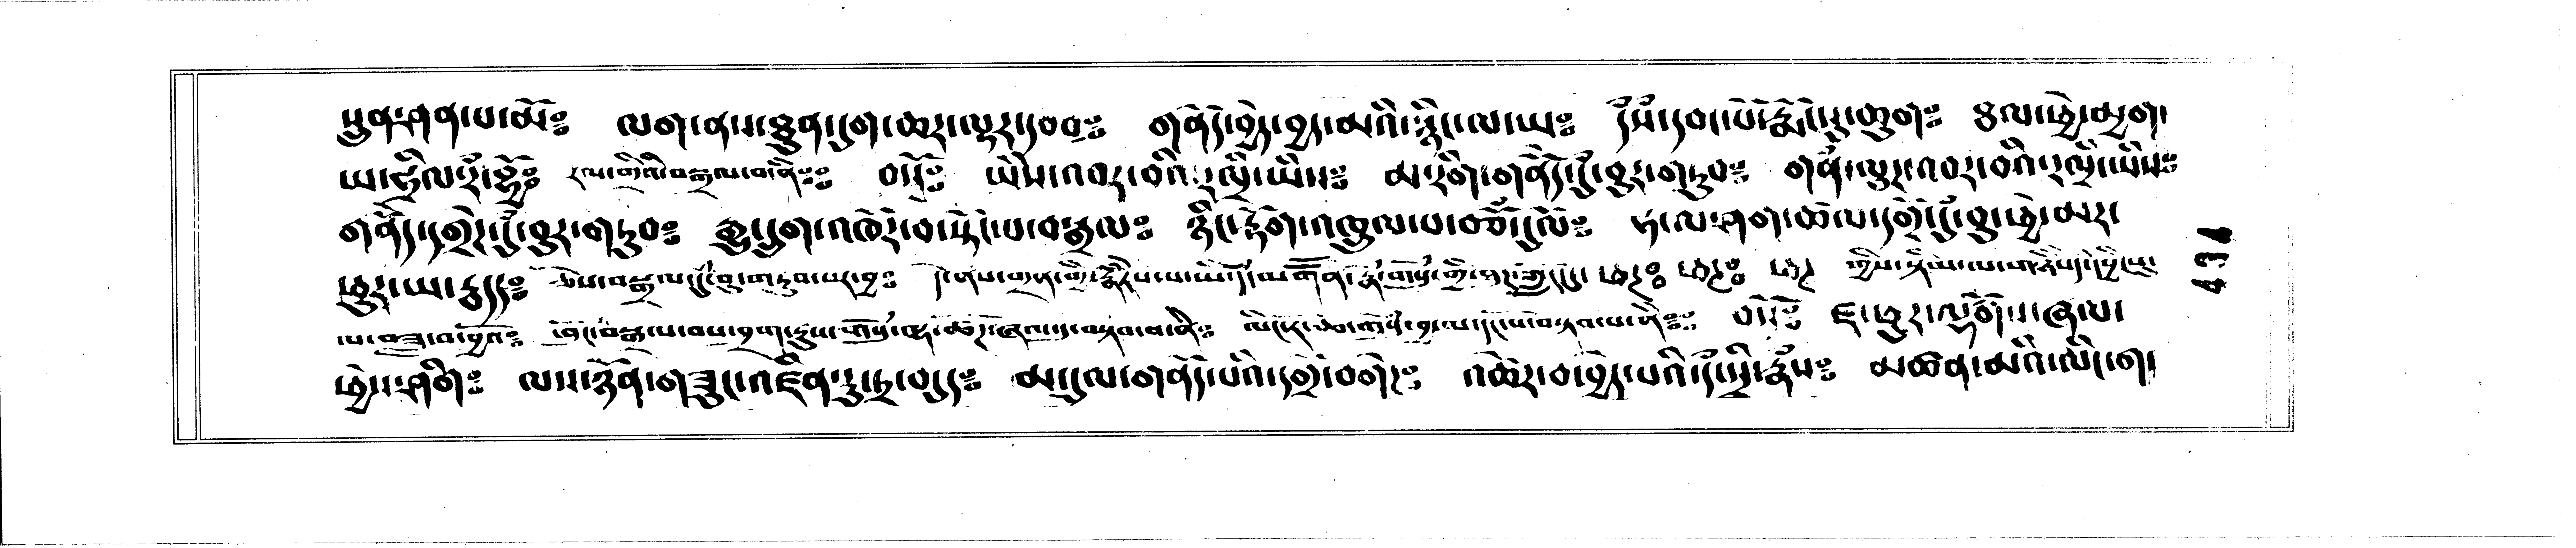སྲུན་ཤན་པ་མོ༔ལག་ནས་ཐུན་དུག་ཆར་ལྟར་དབབ༔གནོད་བྱེད་བྱད་མའི་སྙིང་ལ་ཡ༔དམ་ཉམས་དབང་པོ་རྨོངས་སུ་ཆུག༔ཐལ་ཕྱེ་མྱག་
ཡ་ཧྲིལ་རཾ་བྷྱོ༔རལ་གྲིའི་བསྒྲལ་བ་ནི༔༔བསྭོ༔ཡེ་ཤེས་འབར་བའི་རལ་གྲི་ཡིས༔མ་རིག་གནོད་བྱེད་དུམ་བུར་གཏུབ༔གནམ་ལྕགས་འབར་བའི་རལ་གྲི་ཡིས༔
གནོད་བྱེད་དགྲ་བགེགས་དུམ་བུར་གཏུབ༔རྒྱུ་དྲུག་འཁོར་བ་སྟོང་པ་བསྒྲལ༔ཉིང་རྟོག་འཁྲུལ་པ་བཅོམ་དུ་གསོལ༔ཧ་ལ་ཤག་ཚལ་དགྲ་བོ་དུམ་བུ་ཕྱེ་མར་
ཕུར་ཡ་རྦད་རྦད༔ཅེས་བསྒྲལ་དུམ་བུ་གཏུབ་པར་བྱ༔དེ་ནས་གྲན་གྱི་རྣམ་པར་ཤེས་པ་ཡི་དམ་མགོན་པོ་རྣམ་གསུམ་གྱི་ཐུགས་ཀློང་དུ་ཕཊ༔ཕཊ༔ཕཊ་གྱིས་བསྟིམ་ལ་གཉིས་མེད་དབྱིངས་སུ་
ལ་བཟླ་བ་བྱའོ༔ཕུང་པོ་བསྒྲལ་བས་ཤ་ཁྲག་རུས་གསུམ་ལྷ་ཚོགས་ཞལ་དུ་བསྟབ་པ་ནི༔ལིང་རོ་ཆ་གསུམ་བྱ་ལ་དང་པོ་བསྟབ་པ་ནི༔༔བསྭོ༔ཛྭ་ཕུར་ལྷ་ཚོགས་ཞལ་
ཕྱེས་ཤིག༔ལས་ཉོན་གཟུང་འཛིན་རུ་ཏྲ་བདུད༔མ་དུལ་གནོད་པའི་དགྲ་བོ་བགེགས༔འཚེར་བ་བྱེད་པའི་དམ་སྲི་རྣམས༔མཚན་མའི་ལིང་ག་